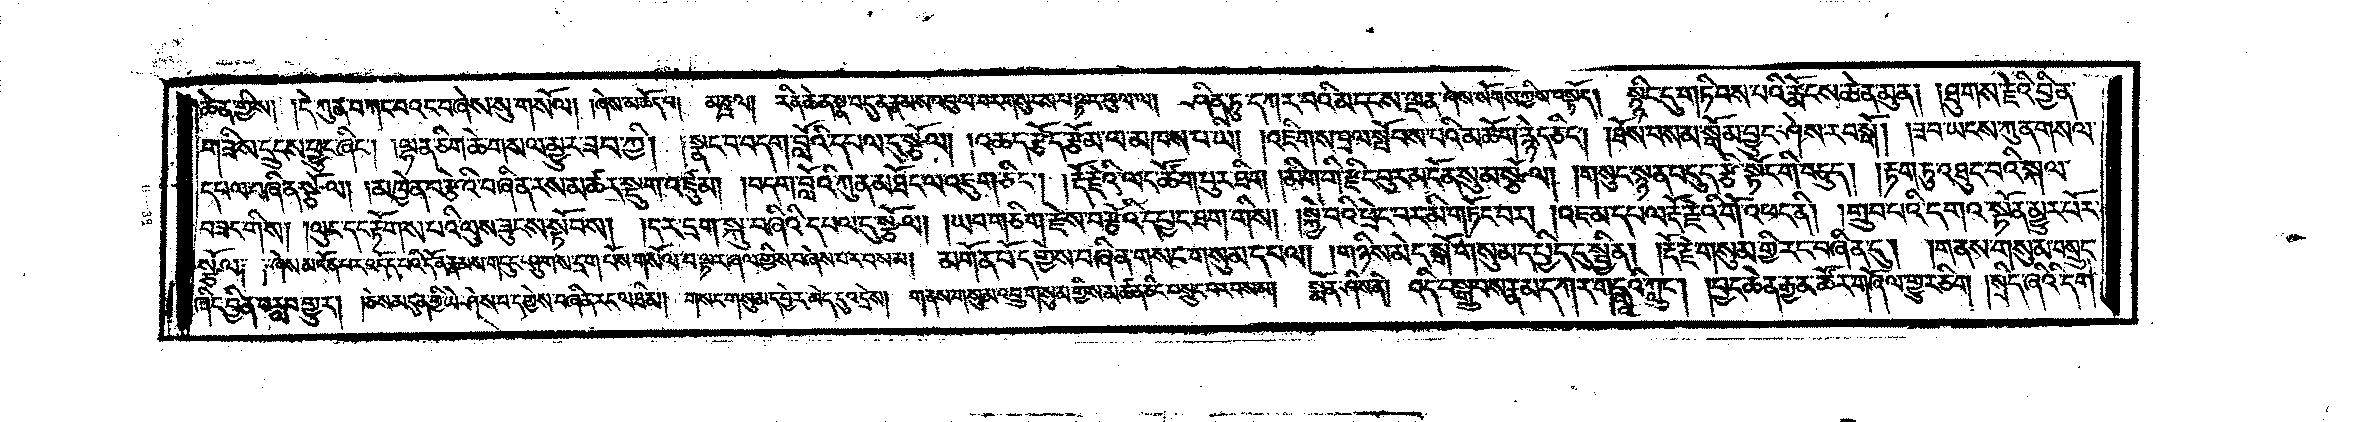ཆེན་གྱིས། །དེ་ཀུན་བཀང་བའང་བ་ཞེས་སུ་གསོལ། །ཞེས་མཆོད་པ། མཎྜལ། རིན་ཆེན་སྣ་བདུན་རྣམས་འབུལ་བར་གསུངས་པ་ལྟར་ཕུལ་ལ།  ཤིན་ཏུ་དཀར་བའི་མདངས་ལྡན་ཞེས་སོགས་ཀྱིས་བསྟོད།  སྙིང་དུ་གཏིབས་པའི་རྨོངས་ཆེན་མུན། །ཐུགས་རྗེའི་བྱིན་
གཟིས་དྲུངས་ཕྱུང་ཞིང་། །ལྷན་ཅིག་ཆེ་གསལ་མྱུར་ཟབ་ཀྱི། །སྣང་བ་བདག་བློའི་དཔལ་དུ་སྩོལ། །འཆད་རྩོད་རྩོམ་ལ་མཁས་པ་ཡི། །འཇིགས་བྲལ་སྤོབས་པའི་མཆོག་རྙེད་ཅིང་། །ཐོས་བསམ་སྒོམ་བྱུང་ཤེས་རབ་སྒོ། །ཟབ་ཡངས་ཀུན་གསལ་
དཔལ་བཞིན་སྩོལ། །མཁྱེན་བརྩེའི་བཞིན་རས་མཚར་སྡུག་འཛུམ། །བདག་བློའི་ཀུན་མཐོང་ལ་འཇུག་ཅིང་། །རྡོ་རྗེའི་ལང་ཚོག་པུར་ཐིག །མིག་གི་རྫིང་བུར་མངོན་སུམ་སྩོལ། །གསུང་སྙན་བདུད་རྩི་སྟོང་གི་བཅུད། །རྟག་ཏུ་འཐུང་བའི་སྐལ་
བཟང་གིས། །ལུང་དང་རྟོགས་པའི་ལུས་ཟུངས་སྟོབས། །དར་དྲག་སྐུ་བཞིའི་དཔལ་དུ་སྩོལ། །ཡབ་གཅིག་རྗེས་བརྩེའི་དཔྱང་ཐག་གིས། །སྐྱེ་བའི་ཕྲེང་བར་མི་གཏོང་བར། །འཇམ་དཔལ་རྡོ་རྗེའི་གོ་འཕང་ནི། །གྲུབ་པའི་དགའ་སྟོན་མྱུར་པོར་
སྩོལ༑ ༑ཞེས་མངོན་པར་འདོད་པའི་དོན་རྣམས་གདུང་ཤུགས་དྲག་པོས་གསོལ་བ་ལྟར་ཞལ་གྱིས་བཞེས་པར་བསམ། མགོན་པོ་དགྱེས་བཞིན་གསང་གསུམ་དཔལ། །གཉིས་མེད་སྒོ་གསུམ་དཔྱིད་དུ་སྦྱིན། །རྡོ་རྗེ་གསུམ་གྱི་རང་བཞིན་དུ། །གནས་གསུམ་བསྲུང་
ཞིང་བྱིན་བརླབ་གྱུར། །ཅེས་མདུན་གྱི་ཡེ་ཤེས་བ་དགྱེས་བཞིན་རང་ལ་ཐིམ། གསང་གསུམ་དབྱེར་མེད་དུ་འདྲེས། གནས་གསུམ་འབྲུ་གསུམ་གྱིས་མཚན་ཅིང་བསྲུང་བར་བསམ། སྨོན་ཤིས་ནི།  འདི་བསྒྲུབས་རྣམ་དཀར་གངྒཱའི་ཀླུང་། །བྱང་ཆེན་རྒྱ་མཚོར་གཞོལ་གྱུར་ཅིག །སྲིད་ཞིའི་དགེ་